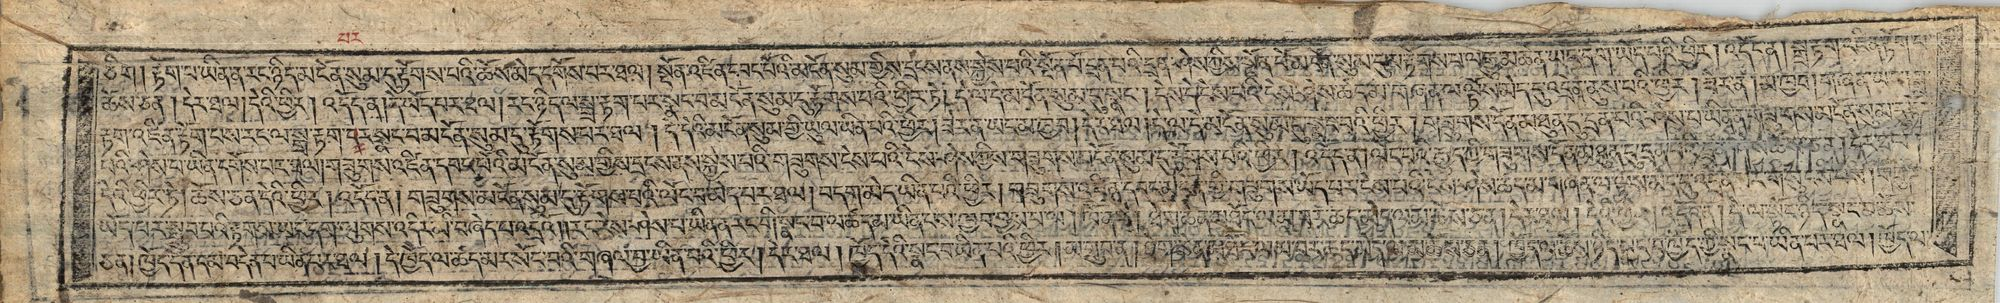ཅིག །རྟོག་པ་ཡིན་ན་རང་ཉིད་མངོན་སུམ་དུ་རྟོགས་པའི་ཆོས་མེད་དགོས་པར་ཐལ། སྔོན་འཛིན་དབང་པོའི་མངོན་སུམ་གྱིས་དྲངས་ནས་སྐྱེས་པའི་སྔོན་པོ་དྲན་པའི་དྲན་ཤེས་ཀྱིས་སྔོན་པོ་མངོན་སུམ་དུ་མ་རྟོགས་པ་ལ་རྒྱུ་མཚན་ཡང་དག་ཡོད་པའི་ཕྱིར། འདོད་ན། སྒྲ་རྟག་འཛིན་རྟོག་པ་
ཆོས་ཅན། དེར་ཐལ། དེའི་ཕྱིར། འདོད་ན། དེ་ཡོད་པར་ཐལ། རང་ཉིད་ལ་སྒྲ་རྟག་པར་སྣང་བ་མངོན་སུམ་དུ་རྟོགས་པའི་ཕྱིར་ཏེ། དེ་ལ་དེ་མངོན་སུམ་དུ་སྣང་། དེས་དེ་ངེས་པའི་ངེས་ཤེས་ཚད་མ་གཞན་ལ་ལྟོས་མེད་དུ་འདྲེན་ནུས་པའི་ཕྱིར། ཟེར་ན། མ་ཁྱབ། གཞན་ཡང་། སྒྲ་
རྟག་འཛིན་རྟོག་པས་རང་ལ་སྒྲ་རྟག་པར་སྣང་བ་མངོན་སུམ་དུ་རྟོགས་པར་ཐལ། དེ་དེའི་མངོན་སུམ་གྱི་ཡུལ་ཡིན་པའི་ཕྱིར། ཟེར་ན་ཡང་མ་ཁྱབ། དེར་ཐལ། དེ་ལ་དེ་མངོན་སུམ་དུ་སྣང་བའི་ཕྱིར། གཟུགས་དོན་མཐུན་དུ་དྲན་པའི་ཤེས་པ་ཡིན་ན་གཟུགས་མངོན་སུམ་དུ་རྟོགས་
པའི་ཤེས་པ་ཡིན་དགོས་པར་ཐལ། གཟུགས་འཛིན་དབང་པོའི་མངོན་སུམ་གྱིས་དྲངས་ནས་སྐྱེས་པའི་གཟུགས་ངེས་པའི་ངེས་ཤེས་ཀྱིས་གཟུགས་མངོན་སུམ་དུ་རྟོགས་པའི་ཕྱིར། འདོད་ན། ལོང་བའི་རྒྱུད་ཀྱི་གཟུགས་དོན་མཐུན་དུ་དྲན་པའི་དྲན་ཤེས་ཆོས་ཅན། དེར་ཐལ།
དེའི་ཕྱིར་ཏེ། ཆོས་ཅན་དེའི་ཕྱིར། འདོད་ན། གཟུགས་མངོན་སུམ་དུ་རྟོགས་པའི་ལོང་བ་མེད་པར་ཐལ། བདག་མེད་ཡིན་པའི་ཕྱིར། གཟུགས་འཛིན་དབང་མངོན་གྱི་གཟུགས་ཡོད་པར་ངེས་པའི་ངེས་ཤེས་ཚད་མ་གཞན་ལ་ལྟོས་མེད་དུ་འདྲེན་པར་གསུངས་པས། གཟུགས་
ཡོད་པར་སྒྲུབ་པའི་རྟགས་ཡང་དག་ལུགས་འདིར་མ་བཞེད་པ་འདྲའོ། །རང་རེས་ཤེས་པ་ཡིན་ན་རང་གི་སྣང་བ་ལ་ཚད་མ་ཡིན་པས་ཁྱབ་བྱས་པ་ལ། ཁོ་ན་རེ། ཐེག་ཆེན་མཐོང་ལམ་བར་ཆད་མེད་ལམ་ཆོས་ཅན། དེར་ཐལ། དེའི་ཕྱིར། འདོད་ན། དེ་ལ་སྟོང་ཉིད་སྣང་བ་ཆོས་
ཅན། ཁྱོད་དོན་དམ་བདེན་པ་ཡིན་པར་ཐལ། དེ་ཁྱོད་ལ་ཚད་མར་སོང་བའི་གཞལ་བྱ་ཡིན་པའི་ཕྱིར། དེར་ཐལ། ཁྱོད་དེའི་སྣང་བ་ཡིན་པའི་ཕྱིར། མ་གྲུབ་ན། ཐེག་ཆེན་མཐོང་ལམ་བར་ཆད་མེད་ལམ་ཆོས་ཅན། ཁྱོད་ལ་ཆོས་ཉིད་སྣང་བ་ཁྱོད་ཀྱི་སྣང་བ་ཡིན་པར་ཐལ། ཁྱོད་ལ་